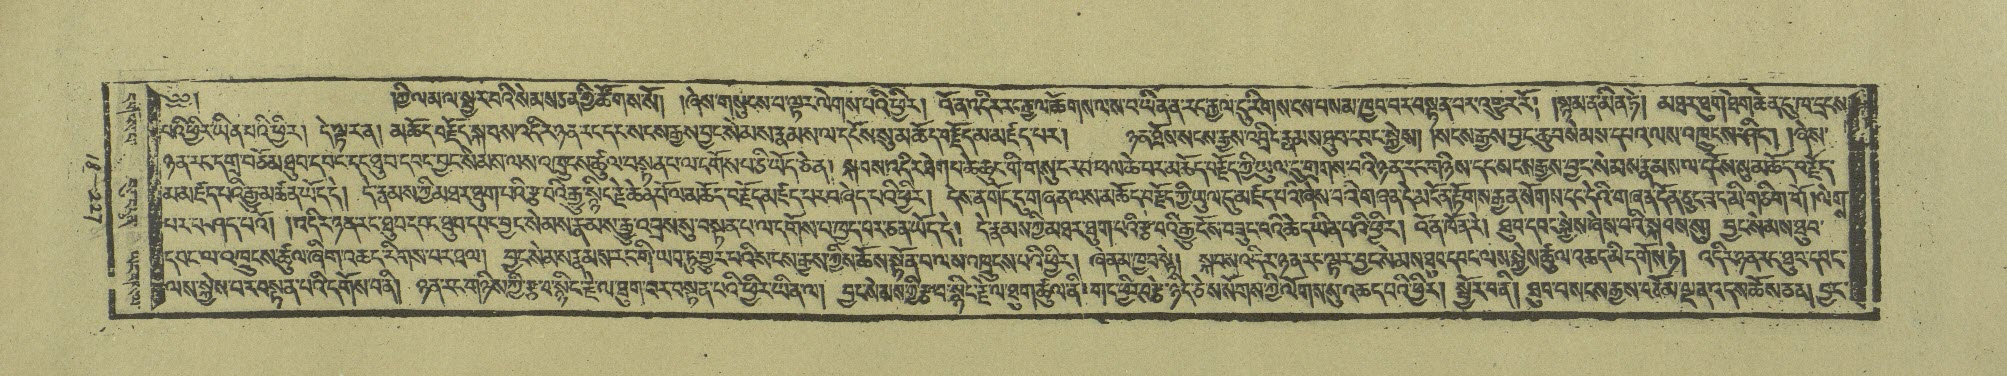༄༅། །ཀྱི་ལམ་ལ་སྦྱར་བའི་སེམས་ཅན་གྱི་ཚོགས་སོ། །ཞེས་གསུངས་པ་ལྟར་ལེགས་པའི་ཕྱིར། འོ་ན་འདིར་རང་རྒྱལ་ཚོགས་ལམ་པ་ཡིན་ན་རང་རྒྱལ་དུ་རིགས་ངེས་བསམ་ཁྱབ་པར་བསྟན་པར་འགྱུར་རོ། །སྙམ་ན་མིན་ཏེ། མཐར་ཐུག་ཐེག་ཆེན་དུ་ཁ་དྲངས་
པའི་ཕྱིར་ཡིན་པའི་ཕྱིར། དེ་ལྟར་ན། མཆོད་བརྗོད་སྐབས་འདིར་ཉན་རང་དང་སངས་རྒྱས་བྱང་སེམས་རྣམས་ལ་དངོས་སུ་མཆོད་བརྗོད་མ་མཛད་པར། ཉན་ཐོས་སངས་རྒྱས་འབྲིང་རྣམས་ཐུབ་དབང་སྐྱེས། །སངས་རྒྱས་བྱང་ཆུབ་སེམས་དཔའ་ལས་འཁྲུངས་ཤིང་། །ཞེས་
ཉན་རང་དགྲ་བཅོམ་ཐུབ་དབང་དང་ཐུབ་དབང་བྱང་སེམས་ལས་འཁྲུངས་ཚུལ་བསྟན་པ་ལ་དགོས་པ་ཅི་ཡོད་ཅེ་ན། སྐབས་འདིར་ཐེག་པ་ཆེ་ཆུང་གི་གསུང་རབ་ཕལ་ཆེ་བར་མཆོད་བརྗོད་ཀྱི་ཡུལ་དུ་གྲགས་པའི་ཉན་རང་གཉིས་དང་སངས་རྒྱས་བྱང་སེམས་རྣམས་ལ་དངོས་སུ་མཆོད་བརྗོད་
པ་མཛད་པའི་རྒྱུ་མཚན་ཡོད་དེ། དེ་རྣམས་ཀྱི་མཐར་ཐུག་པའི་རྩ་བའི་རྒྱུ་སྙིང་རྗེ་ཆེན་པོ་ལ་མཆོད་བརྗོད་མཛད་པར་བཞེད་པའི་ཕྱིར། དེས་ན་གོང་དུ་གཞན་ལས་མཆོད་བརྗོད་ཀྱི་ཡུལ་དུ་མཛད་པའི་ཞེས་པའི་གཞན་དེ་མངོན་རྟོགས་རྒྱན་སོགས་དང་དེའི་གཞན་དོན་ཅུང་ཟད་མི་གཅིག་གོ །ལེགས་
པར་བཤད་པའོ། །འདིར་ཉན་རང་ཐུབ་དབང་ཐུབ་དབང་བྱང་སེམས་རྣམས་རྒྱུ་འབྲས་སུ་བསྟན་པ་ལ་དགོས་པ་ཁྱད་པར་ཅན་ཡོད་དེ། དེ་རྣམས་ཀྱི་མཐར་ཐུག་པའི་རྩ་བའི་རྒྱུ་ངོས་བཟུང་བའི་ཆེད་ཡིན་པའི་ཕྱིར། འོ་ན་ཁོ་ན་རེ། ཐུབ་དབང་སྐྱེས་ཞེས་པའི་སྐབས་སུ། བྱང་སེམས་ཐུབ་
དབང་ལ་འཁྲུངས་ཚུལ་ཞིག་འཆད་རིགས་པར་ཐལ། བྱང་སེམས་རྣམས་རང་གི་ཡབ་ཏུ་གྱུར་བའི་སངས་རྒྱས་ཀྱིས་ཆོས་སྟོན་པ་ལས་འཁྲུངས་པའི་ཕྱིར། ཞེ་ན་མ་ཁྱབ་སྟེ། སྐབས་འདིར་ཉན་རང་ལྟར་བྱང་སེམས་ཐུབ་དབང་ལས་སྐྱེས་ཚུལ་འཆད་མི་དགོས་ཏེ། འདིར་ཉན་རང་ཐུབ་དབང་
ལས་སྐྱེ་བར་བསྟན་པའི་དགོས་པ་ནི། ཉན་རང་གཉིས་ཀྱི་རྩ་བ་སྙིང་རྗེ་ལ་ཐུག་པར་བསྟན་པའི་ཕྱིར་ཡིན་ལ། བྱང་སེམས་ཀྱི་རྩ་བ་སྙིང་རྗེས་ཐུག་ཚུལ་ནི་གང་ཕྱིར་བརྩེ་ཉིད་ཅེས་སོགས་ཀྱི་ལོགས་སུ་འཆད་པའི་ཕྱིར། སྦྱོར་བ་ནི། ཐུབ་པ་སངས་རྒྱས་བཅོམ་ལྡན་འདས་ཆོས་ཅན། །བྱང་